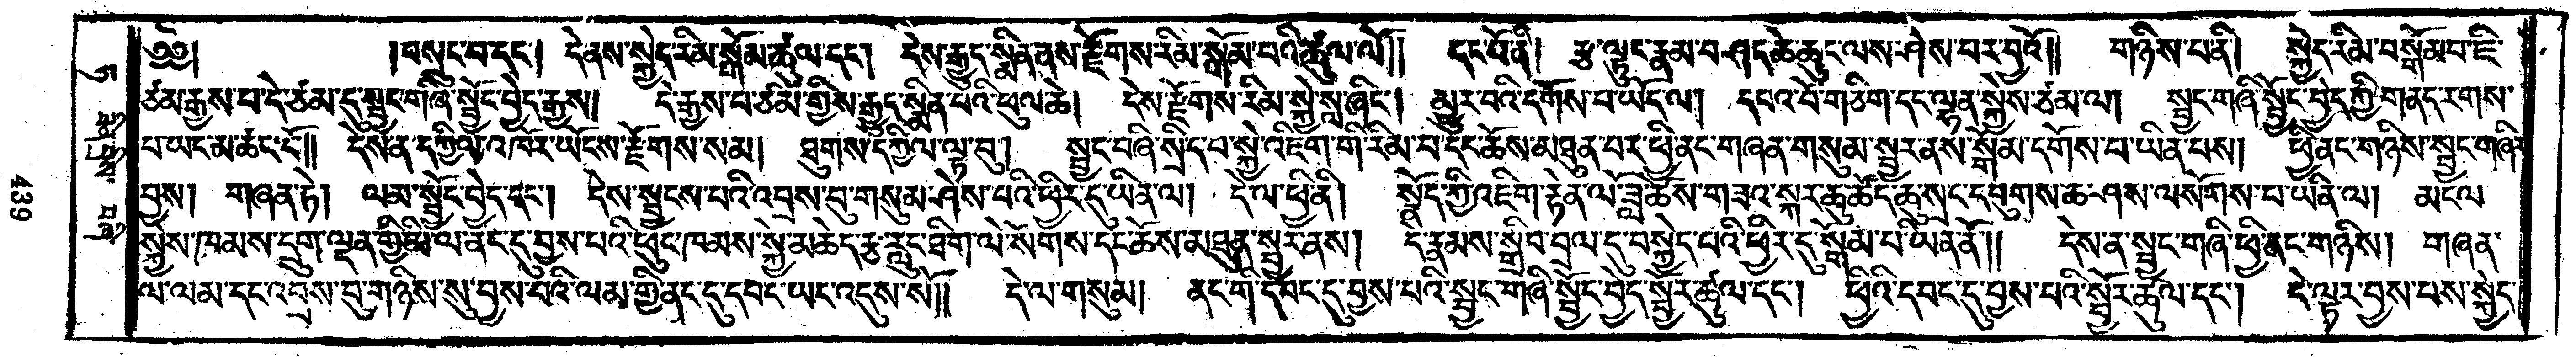༄༅། །བསྲུང་བ་དང་། དེ་ནས་སྐྱེད་རིམ་སྒོམ་ཚུལ་དང་། དེས་རྒྱུད་སྨིན་ནས་རྫོགས་རིམ་སྒོམ་བའི་ཚུལ་ལོ།། དང་པོ་ནི། རྩ་ལྟུང་རྣམ་བཤད་ཆེ་ཆུང་ལས་ཤེས་པར་བྱའོ།། གཉིས་པ་ནི། སྐྱེད་རིམ་བསྒོམ་པ་ཇི་
ཙམ་རྒྱས་པ་དེ་ཙམ་དུ་སྦྱང་གཞི་སྦྱོང་བྱེད་རྒྱས། དེ་རྒྱས་པ་ཙམ་གྱིས་རྒྱུད་སྨིན་པའི་ཕུལ་ཆེ། དེས་རྫོགས་རིམ་སྐྱེ་སླ་ཞིང་། མྱུར་བའི་དགོས་པ་ཡོད་ལ། དཔའ་བོ་གཅིག་དང་ལྷན་སྐྱེས་ཙམ་ལ། སྦྱང་གཞི་སྦྱོང་བྱེད་ཀྱི་གནད་རགས་
པ་ཡང་མ་ཚང་ངོ།། དེས་ན་དཀྱིལ་འཁོར་ཡོངས་རྫོགས་སམ། ཐུགས་དཀྱིལ་ལྟ་བུ། སྦྱང་བཞི་སྲིད་པ་སྐྱེ་འཇིག་གི་རིམ་པ་དང་ཆོས་མཐུན་པར་ཕྱི་ནང་གཞན་གསུམ་སྦྱར་ནས་སྒོམ་དགོས་པ་ཡིན་པས། ཕྱི་ནང་གཉིས་སྦྱང་གཞིར་
བྱས། གཞན་ཏེ། ལམ་སྦྱོང་བྱེད་དང་། དེས་སྦྱངས་པའི་འབྲས་བུ་གསུམ་ཤེས་པའི་ཕྱིར་དུ་ཡིན་ལ། དེ་ལ་ཕྱི་ནི། སྣོད་ཀྱི་འཇིག་རྟེན་ལོ་ཟླ་ཆོས་གཟའ་སྐར་ཆུ་ཚོད་ཆུ་སྲང་དབུགས་ཆ་ཤས་ལ་སོགས་པ་ཡིན་ལ། མངལ་
སྐྱེས་ཁམས་དྲུག་ལྡན་གྱི་མི་ལ་ནང་དུ་བྱས་པའི་ཕུང་ཁམས་སྐྱེ་མཆེད་རྩ་རླུང་ཐིག་ལེ་སོགས་དང་ཆོས་མཐུན་སྦྱར་ནས། དེ་རྣམས་སྒྲིབ་བྲལ་དུ་བསྐྱེད་པའི་ཕྱིར་དུ་སྒོམ་པ་ཡིན་ནོ།། དེས་ན་སྦྱང་གཞི་ཕྱི་ནང་གཉིས། གཞན་
ལ་ལམ་དང་འབྲས་བུ་གཉིས་སུ་བྱས་པའི་ལམ་གྱི་ནང་དུ་དབང་ཡང་འདུས་སོ།། དེ་ལ་གསུམ། ནང་གི་དབང་དུ་བྱས་པའི་སྦྱང་གཞི་སྦྱོང་བྱེད་སྦྱོར་ཚུལ་དང་། ཕྱིའི་དབང་དུ་བྱས་པའི་སྦྱོར་ཚུལ་དང་། དེ་ལྟར་བྱས་པས་སྐྱེད་